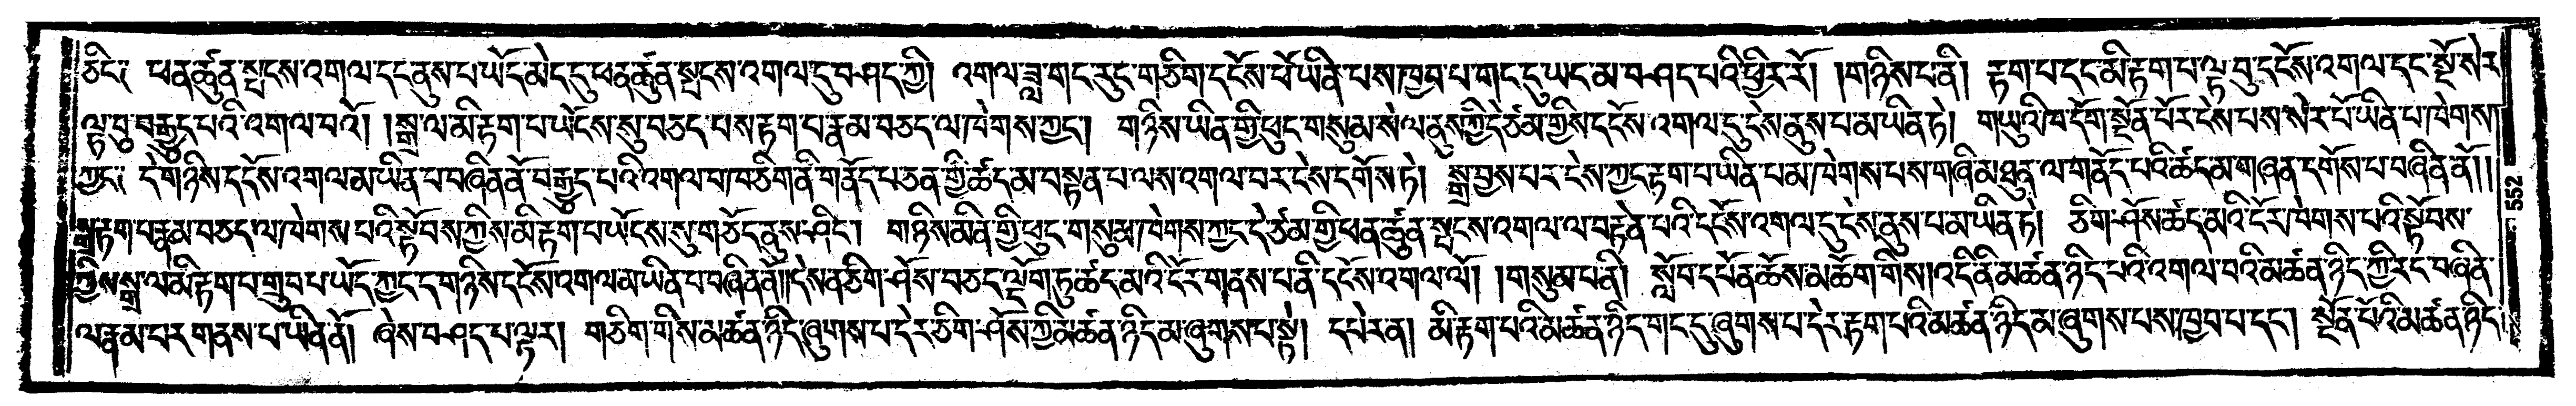ཅིང་། ཕན་ཚུན་སྤངས་འགལ་དང་ནུས་པ་ཡོད་མེད་དུ་ཕན་ཚུན་སྤངས་འགལ་དུ་བཤད་ཀྱི། འགལ་ཟླ་གང་རུང་གཅིག་དངོས་པོ་ཡིན་པས་ཁྱབ་པ་གང་དུ་ཡང་མ་བཤད་པའི་ཕྱིར་རོ། །གཉིས་པ་ནི། རྟག་པ་དང་མི་རྟག་པ་ལྟ་བུ་དངོས་འགལ་དང་སྔོ་སེར་
ལྟ་བུ་བརྒྱུད་པའི་འགལ་བའོ། །སྒྲ་ལ་མི་རྟག་པ་ཡོངས་སུ་བཅད་པས་རྟག་པ་རྣམ་བཅད་ལ་ཁེགས་ཀྱང་། གཉིས་ཡིན་གྱི་ཕུང་གསུམ་སེལ་ནུས་ཀྱི་དེ་ཙམ་གྱིས་དངོས་འགལ་དུ་ངེས་ནུས་པ་མ་ཡིན་ཏེ། གཡུའི་ཁ་དོག་སྔོན་པོར་ངེས་པས་སེར་པོ་ཡིན་པ་ཁེགས་
ཀྱང་། དེ་གཉིས་དངོས་འགལ་མ་ཡིན་པ་བཞིན་ནོ་བརྒྱུད་པའི་འགལ་བ་ཁ་ཅིག་ནི་གནོད་པ་ཅན་གྱི་ཚད་མ་བསྟན་པ་ལས་འགལ་བར་ངེས་དགོས་ཏེ། སྒྲ་བྱས་པར་ངེས་ཀྱང་རྟག་པ་ཡིན་པ་མ་ཁེགས་པས་གཞི་མཐུན་ལ་གནོད་པའི་ཚད་མ་གཞན་དགོས་པ་བཞིན་ནོ།།
སྒྲ་རྟག་པ་རྣམ་བཅད་ལ་ཁེགས་པའི་སྟོབས་ཀྱིས་མི་རྟག་པ་ཡོངས་སུ་གཅོད་ནུས་ཤིང་། གཉིས་མིན་གྱི་ཕུང་གསུམ་ཁེགས་ཀྱང་དེ་ཙམ་གྱི་ཕན་ཚུན་སྤངས་འགལ་ལ་བརྟེན་པའི་དངོས་འགལ་དུ་ངེས་ནུས་པ་མ་ཡིན་ཏེ། ཅིག་ཤོས་ཚད་མའི་ངོར་ཁེགས་པའི་སྟོབས་
ཀྱིས་སྒྲ་ལ་མི་རྟག་པ་གྲུབ་པ་ཡོད་ཀྱང་ད་གཉིས་དངོས་འགལ་མ་ཡིན་པ་བཞིན་ནོ། །དེས་ན་ཅིག་ཤོས་བཅད་ལྡོག་ཏུ་ཚད་མའི་ངོར་གནས་པ་ནི་དངོས་འགལ་ལོ། །གསུམ་པ་ནི། སློབ་དཔོན་ཆོས་མཆོག་གིས། འདི་ནི་མཚན་ཉིད་པའི་འགལ་བའི་མཚན་ཉིད་ཀྱི་རང་བཞིན་
ལ་རྣམ་པར་གནས་པ་ཡིན་ནོ། ཞེས་བཤད་པ་ལྟར། གཅིག་གིས་མཚན་ཉིད་ཞུགས་པ་དེར་ཅིག་ཤོས་ཀྱི་མཚན་ཉིད་མ་ཞུགས་པ་སྟེ། དཔེར་ན། མི་རྟག་པའི་མཚན་ཉིད་གང་དུ་ཞུགས་པ་དེར་རྟག་པའི་མཚན་ཉིད་མ་ཞུགས་པས་ཁྱབ་པ་དང་། སྔོན་པོའི་མཚན་ཉིད་